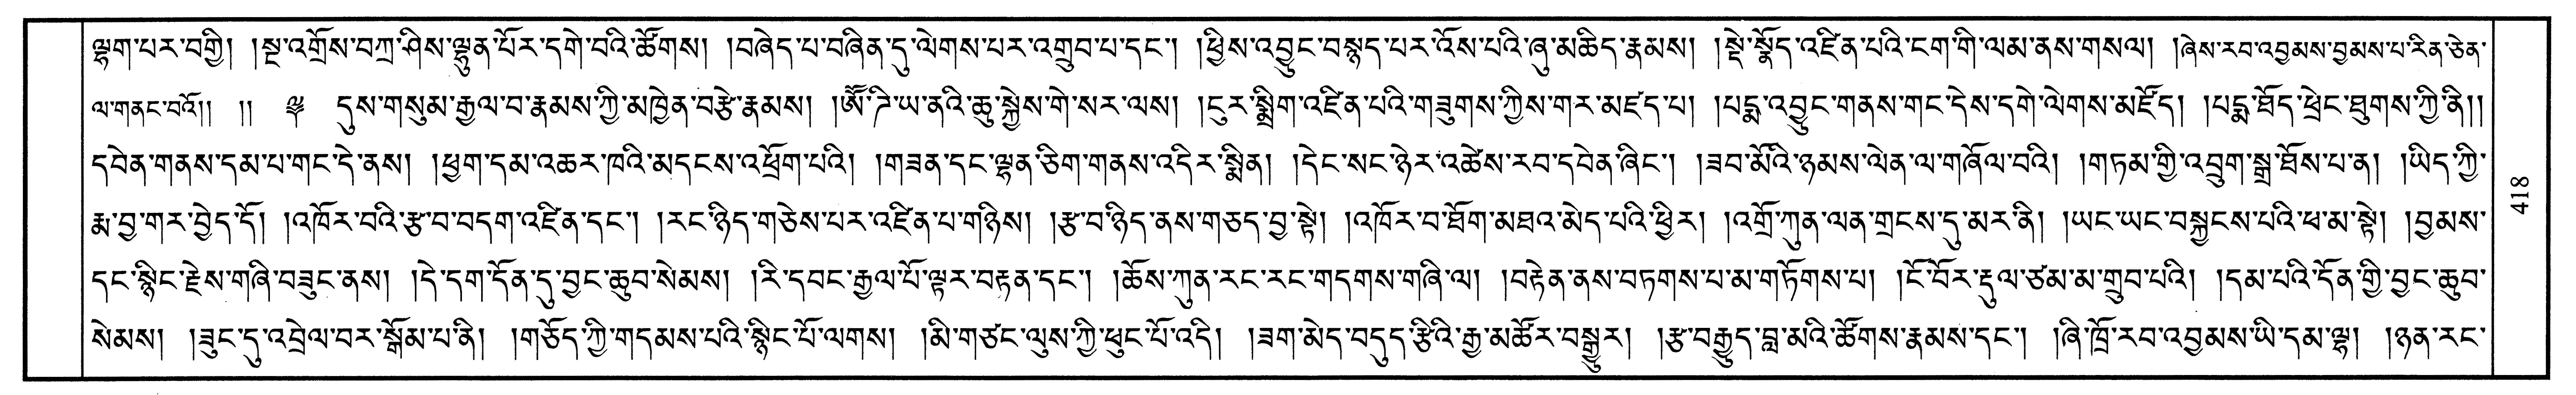ལྷག་པར་བགྱི། །སྔ་འགྲོས་བཀྲ་ཤིས་ལྷུན་པོར་དགེ་བའི་ཚོགས། །བཞེད་པ་བཞིན་དུ་ལེགས་པར་འགྲུབ་པ་དང་། །ཕྱིས་འབྱུང་བསྙད་པར་འོས་པའི་ཞུ་མཆིད་རྣམས། །སྡེ་སྣོད་འཛིན་པའི་ངག་གི་ལམ་ནས་གསལ། །ཞེས་རབ་འབྱམས་བྱམས་པ་རིན་ཅེན་
ལ་གནང་བའོ།། །། ༈ དུས་གསུམ་རྒྱལ་བ་རྣམས་ཀྱི་མཁྱེན་བརྩེ་རྣམས། །ཨཽ་ཌི་ཡ་ནའི་ཆུ་སྐྱེས་གེ་སར་ལས། །ངུར་སྨྲིག་འཛིན་པའི་གཟུགས་ཀྱིས་གར་མཛད་པ། །པདམ་འབྱུང་གནས་གང་དེས་དགེ་ལེགས་མཛོད། །པདམ་ཐོད་ཕྲེང་ཐུགས་ཀྱི་ནི།།
དབེན་གནས་དམ་པ་གང་དེ་ནས། །ཕྱག་དམ་འཆར་ཁའི་མདངས་འཕྲོག་པའི། །གཟན་དང་ལྷན་ཅིག་གནས་འདིར་སྨིན། །དེང་སང་ཉེར་འཚེས་རབ་དབེན་ཞིང་། །ཟབ་མོའི་ཉམས་ལེན་ལ་གཞོལ་བའི། །གཏམ་གྱི་འབྲུག་སྒྲ་ཐོས་པ་ན། །ཡིད་ཀྱི་
རྨ་བྱ་གར་བྱེད་དོ། །འཁོར་བའི་རྩ་བ་བདག་འཛིན་དང་། །རང་ཉིད་གཅེས་པར་འཛིན་པ་གཉིས། །རྩ་བ་ཉིད་ནས་གཅད་བྱ་སྟེ། །འཁོར་བ་ཐོག་མཐའ་མེད་པའི་ཕྱིར། །འགྲོ་ཀུན་ལན་གྲངས་དུ་མར་ནི། །ཡང་ཡང་བསྐྱངས་པའི་ཕ་མ་སྟེ། །བྱམས་
དང་སྙིང་རྗེས་གཞི་བཟུང་ནས། །དེ་དག་དོན་དུ་བྱང་ཆུབ་སེམས། །རི་དབང་རྒྱལ་པོ་ལྟར་བརྟན་དང་། །ཆོས་ཀུན་རང་རང་གདགས་གཞི་ལ། །བརྟེན་ནས་བཏགས་པ་མ་གཏོགས་པ། །ངོ་བོར་རྡུལ་ཙམ་མ་གྲུབ་པའི། །དམ་པའི་དོན་གྱི་བྱང་ཆུབ་
སེམས། །ཟུང་དུ་འབྲེལ་བར་སྒོམ་པ་ནི། །གཅོད་ཀྱི་གདམས་པའི་སྙིང་པོ་ལགས། །མི་གཙང་ལུས་ཀྱི་ཕུང་པོ་འདི། །ཟག་མེད་བདུད་རྩིའི་རྒྱ་མཚོར་བསྒྱུར། །རྩ་བརྒྱུད་བླ་མའི་ཚོགས་རྣམས་དང་། །ཞི་ཁྲོ་རབ་འབྱམས་ཡི་དམ་ལྷ། །ཉན་རང་